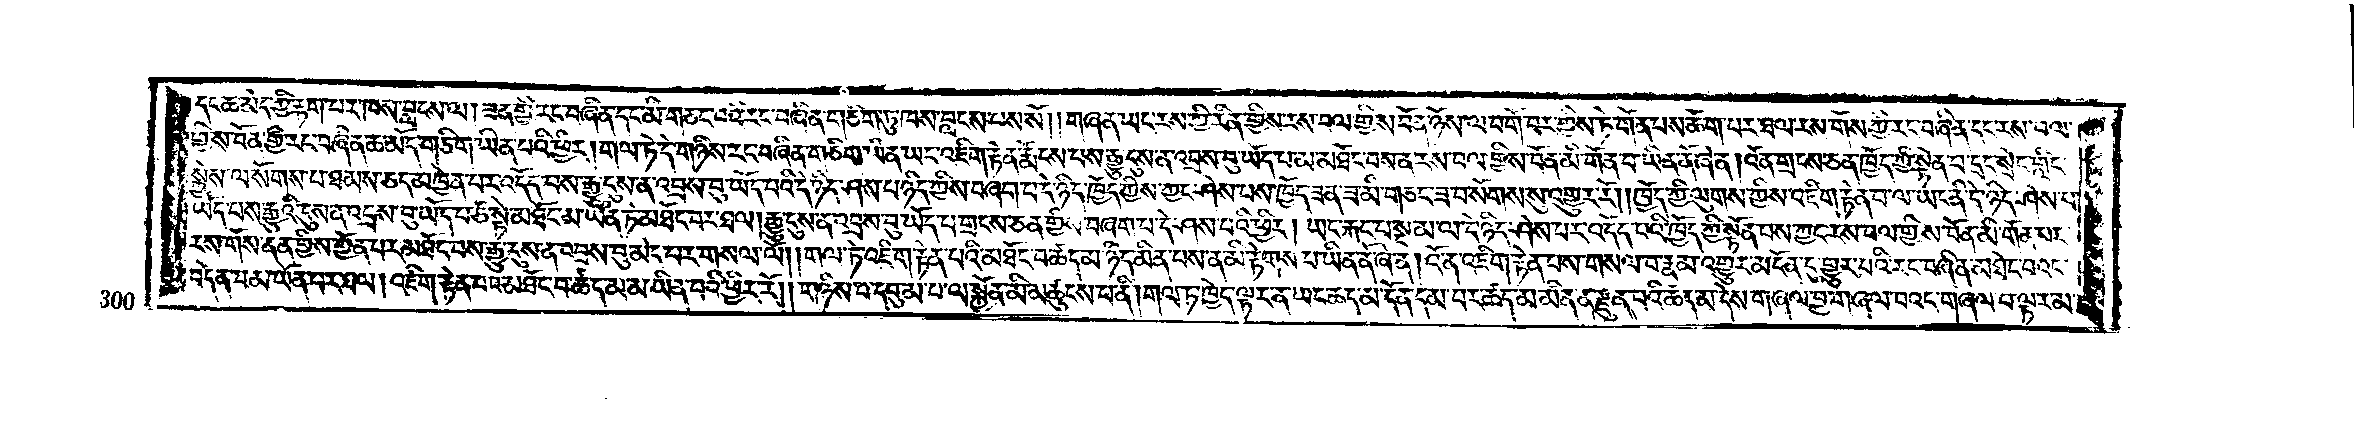དང་ཆ་མེད་ཀྱི་རྟག་པར་ཁས་བླངས་ལ། ཟན་གྱི་རང་བཞིན་དང་མི་གཙང་བའི་རང་བཞིན་གཅིག་ཏུ་ཁས་བླངས་པས་སོ། །གཞན་ཡང་རས་ཀྱི་རིན་གྱིས་རས་བལ་གྱི་ས་བོན་ཉོས་ལ་བགོ་བར་གྱིས་ཏེ་གོན་པས་ཆོག་པར་ཐལ་རས་གོས་ཀྱི་རང་བཞིན་དང་རས་བལ་
གྱི་ས་བོན་གྱི་རང་བཞིན་ཆ་མོད་གཅིག་ཡིན་པའི་ཕྱིར། གལ་ཏེ་དེ་གཉིས་རང་བཞིན་གཅིག་ཡིན་ཡང་འཇིག་རྟེན་རྨོངས་པས་རྒྱུ་དུས་ན་འབྲས་བུ་ཡོད་པ་མ་མཐོང་བས་ན་རས་བལ་གྱི་ས་བོན་མི་གོན་པ་ཡིན་ནོ་ཞེ་ན། འོ་ན་གྲངས་ཅན་ཁྱོད་ཀྱི་སྟེན་པ་དྲང་སྲོང་གླིང་
སྐྱེས་ལ་སོགས་པ་ཐམས་ཅད་མཁྱེན་པར་འདོད་པས་རྒྱུ་དུས་ན་འབྲས་བུ་ཡོད་པའི་དེ་ཉིད་ཤེས་པ་ཉིད་ཀྱིས་བཞག་པ་དེ་ཉིད་ཁྱོད་ཀྱིས་ཀྱང་ཤེས་པས་ཁྱོད་ཟན་ཟ་མི་གཙང་ཟ་བ་སོགས་སུ་འགྱུར་རོ། །ཁྱོད་ཀྱི་ལུགས་ཀྱིས་འཇིག་རྟེན་པ་ལ་ཡང་ནི་དེ་ཉིད་ཤེས་པ་
ཡོད་པས་རྒྱུའི་དུས་ན་འབྲས་བུ་ཡོད་པ་ཙཾ?་སྟེ་མཐོང་མ་ཡིན་ཏེ་མཐོང་བར་ཐལ། རྒྱུ་དུས་ན་འབྲས་བུ་ཡོད་པ་གྲངས་ཅན་གྱིས་བཞག་པ་དེ་ཤེས་པའི་ཕྱིར། ཡང་རྐང་པ་སྔ་མ་ལ་དེ་ཉིད་ཤེས་པར་འདོད་པའི་ཁྱོད་ཀྱི་སྟོན་པས་ཀྱང་རས་བལ་གྱི་ས་བོན་མི་གོན་པར་
རས་གོས་ནན་གྱིས་ཁྱོན་པར་མཐོང་བས་རྒྱུ་དུས་ན་འབྲས་བུ་མེད་པར་གསལ་ལོ། །གལ་ཏེ་འཇིག་རྟེན་པའི་མཐོང་བ་ཚད་མ་ཉིད་མིན་པས་ན་མི་རྟོགས་པ་ཡིན་ནོ་ཞེ་ན། འོ་ན་འཇིག་རྟེན་པས་གསལ་བ་རྣམ་འགྱུར་མངོན་དུ་གྱུར་པའི་རང་བཞིན་མཐོང་བའང་
བདེན་པ་མ་ཡོན་པར་ཐལ། འཇིག་རྟེན་པའི་མཐོང་བ་ཚད་མ་མ་ཡིན་པའི་ཕྱིར་རོ། །གཉིས་པ་དབུ་མ་པ་ལ་སྐྱོན་མི་མཚུངས་པ་ནི། གལ་ཏེ་ཁྱེད་ལྟར་ན་ཡང་ཚད་མ་དོན་དམ་པར་ཚད་མ་མིན་ན་རྫུན་པའི་ཚད་མ་དེས་གཞལ་བྱ་གཞལ་བའང་གཞལ་བ་ལྟར་མ་